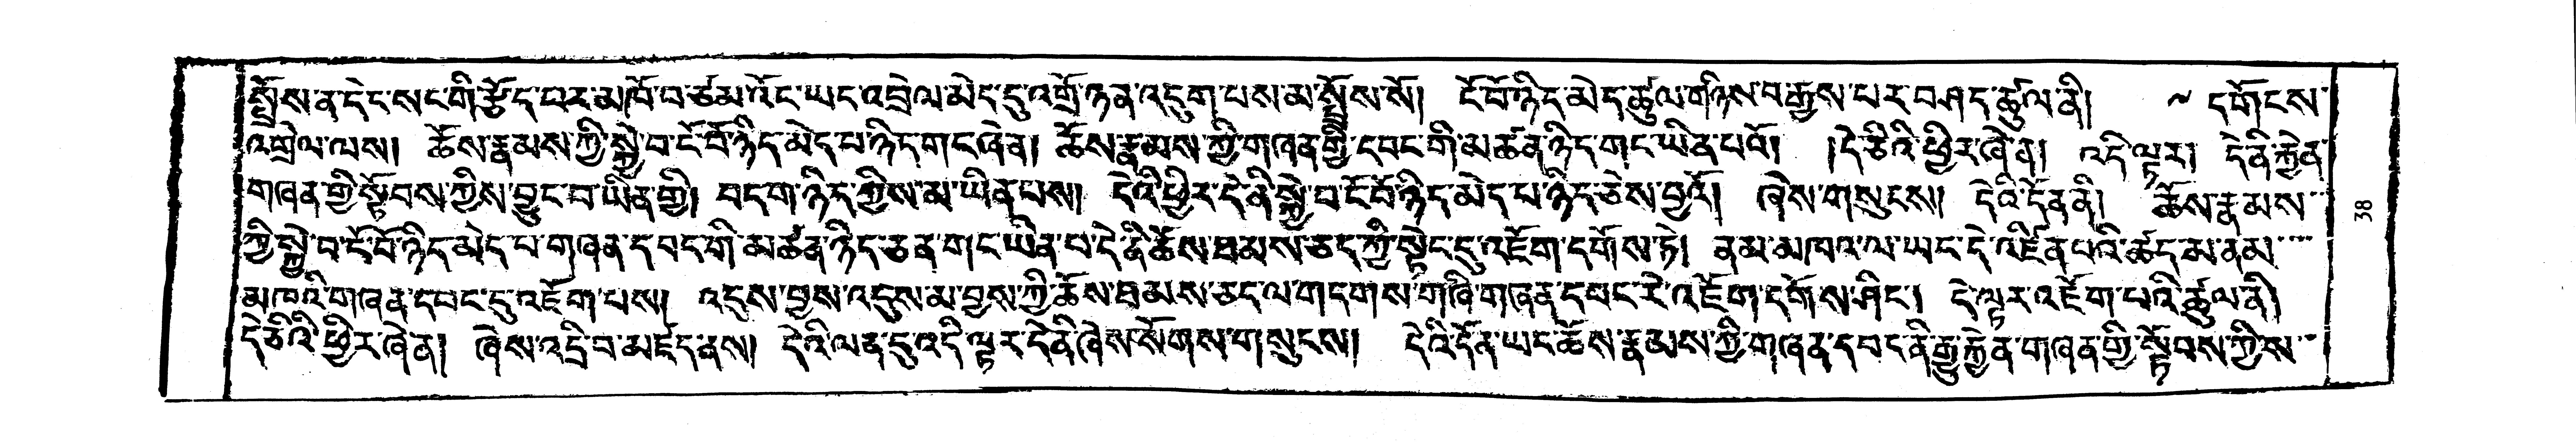སྤྲོས་ན་དེང་སང་གི་རྩོད་པར་མཁོ་བ་ཙམ་འོང་ཡང་འབྲེལ་མེད་དུ་འགྲོ་ཉན་འདུག་པས་མ་སྤྲོས་སོ། ངོ་བོ་ཉིད་མེད་ཚུལ་གཉིས་བ་རྒྱས་པར་བཤད་ཚུལ་ནི། དགོངས་
འགྲེལ་ལས། ཆོས་རྣམས་ཀྱི་སྐྱེ་བ་ངོ་བོ་ཉིད་མེད་པ་ཉིད་གང་ཞེ་ན། ཆོས་རྣམས་ཀྱི་གཞན་གྱི་དབང་གི་མཚན་ཉིད་གང་ཡིན་པའོ། །དེ་ཅིའི་ཕྱིར་ཞེ་ན། འདི་ལྟར། དེ་ནི་རྐྱེན་
གཞན་གྱི་སྟོབས་ཀྱིས་བྱུང་བ་ཡིན་གྱི། བདག་ཉིད་ཀྱིས་མ་ཡིན་པས། དེའི་ཕྱིར་དེ་ནི་སྐྱེ་བ་ངོ་བོ་ཉིད་མེད་པ་ཉིད་ཅེས་བྱའོ། ཞེས་གསུངས། དེའི་དོན་ནི། ཆོས་རྣམས་
ཀྱི་སྐྱེ་བ་ངོ་བོ་ཉིད་མེད་པ་གཞན་དབང་གི་མཚན་ཉིད་ཅན་གང་ཡིན་པ་དེ་ནི་ཆོས་ཐམས་ཅད་ཀྱི་སྟེང་དུ་འཇོག་དགོས་ཏེ། ནམ་མཁའ་ལ་ཡང་དེ་འཛིན་པའི་ཚད་མ་ནམ་
མཁའི་གཞན་དབང་དུ་འཇོག་པས། འདུས་བྱས་འདུས་མ་བྱས་ཀྱི་ཆོས་ཐམས་ཅད་ལ་གདགས་གཞི་གཞན་དབང་རེ་འཇོག་དགོས་ཤིང་། དེ་ལྟར་འཇོག་པའི་ཚུལ་ནི།
དེ་ཅིའི་ཕྱིར་ཞེ་ན། ཞེས་འདྲི་བ་མཛད་ནས། དེའི་ལན་དུ་འདི་ལྟར་དེ་ནི་ཞེས་སོགས་གསུངས། དེའི་དོན་ཡང་ཆོས་རྣམས་ཀྱི་གཞན་དབང་ནི་རྒྱུ་རྐྱེན་གཞན་གྱི་སྟོབས་ཀྱིས་